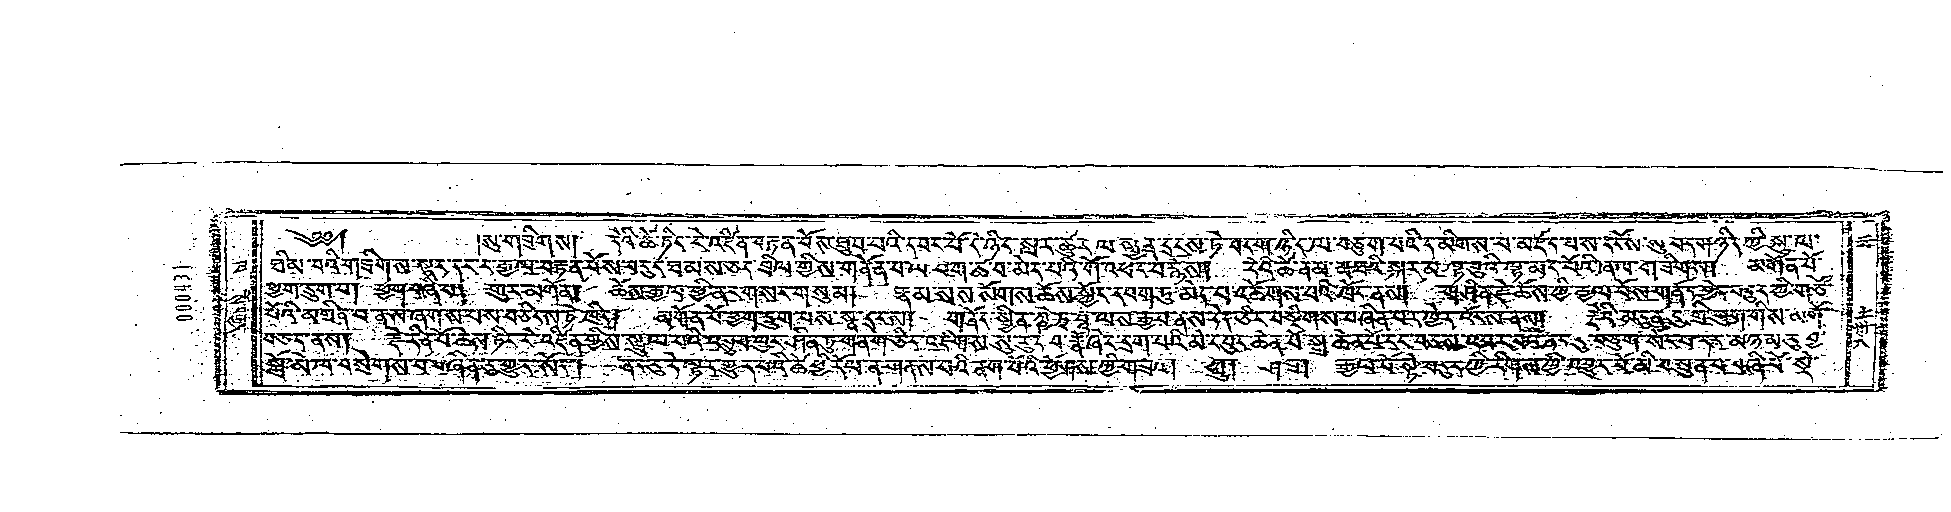༄༅། །སུ་གཟིགས། དེའི་ཚེ་ཏིང་ངེ་འཛིན་བརྟན་པོས་ཐུབ་པའི་དབང་པོ་དེ་ཉིད་སླར་ཚུར་ལ་སྤྱན་དྲངས་ཏེ་བདག་ཉིད་ལ་བཅུག་པའི་དམིགས་པ་མཛད་པས་དངོས་སུ་བདག་ཉིད་ཀྱི་སྐུ་ལ་
ཐིམ་བའི་གཟིགས་སྣང་དང་ང་རྒྱལ་བརྟན་པོས་བདུད་ཐམས་ཅད་ཟིལ་གྱིས་གནོན་པ་ལ་བག་ཚ་བ་མེད་པའི་གོ་འཕང་བརྙེས། དེའི་ཚེ་ནམ་མཁའི་སྐར་མ་ལྟ་བུའི་ལྷ་མང་པོའི་ཞལ་གཟིགས། མགོན་པོ་
ཕྱག་དྲུག་པ། ཕྱག་བཞི་པ། གུར་མགོན། ཆོས་རྒྱལ་ཕྱི་ནང་གསང་གསུམ། རྣམ་སྲས་སོགས་ཆོས་སྐྱོད་དཔག་ཏུ་མེད་པ་འཆོགས་པའི་ཁྲོད་ནས། གཤིན་རྗེ་ཆོས་ཀྱི་རྒྱལ་པོས་གནོད་བྱེད་བཅུད་ཀྱི་གཙོ་
བོའི་མགྲིན་པ་ནས་ཞགས་པས་བཅིངས་ཏེ་ཁྲིད། མགོན་པོ་ཕྱག་དྲུག་པས་སྣ་དྲངས། གནོད་སྦྱིན་ཀྵེ་ཏྲ་པཱ་ལས་རྒྱབ་ནས་དེད་ཅིང་བསྡིགས་བཞིན་པར་ཁྱེར་འོངས་ནས། རྗེའི་མདུན་དུ་གྲི་གུག་གིས་མགོ་
བཅད་ནས། རྗེ་རིན་པོ་ཆེས་ཏིང་ངེ་འཛིན་གྱིས་སྤྲུལ་པའི་འབྲུབ་ལུང་ཤིན་ཏུ་གནག་ཅིང་འཇིགས་སུ་རུང་བ་རྣོ་ཞིང་དྲག་པའི་མེ་དཔུང་ཆེན་པོ་སྒྲ་ཆེན་པོ་དང་བཅས་འབར་བའི་ནང་དུ་བཅུག་སོང་བ་དང་མཉམ་དུ་བྱ་
སྒྲོ་མེ་ལ་བསྲེགས་པ་བཞིན་དུ་གྱུར་སོང་། ནང་དུ་དེ་ལྟར་གྱུར་བའི་ཚེ་ཕྱི་རོལ་ན་གནས་བའི་ནག་པོའི་ཕྱོ་ཤས་ཀྱི་གཟའ། ཀླུ། ཤ་ཟ། རྒྱལ་པོ་སྟེ་བདུད་ཀྱི་རིགས་ཀྱི་འབྱུང་པོ་མི་བསྲུན་པ་བཞི་པོ་སྡེ་